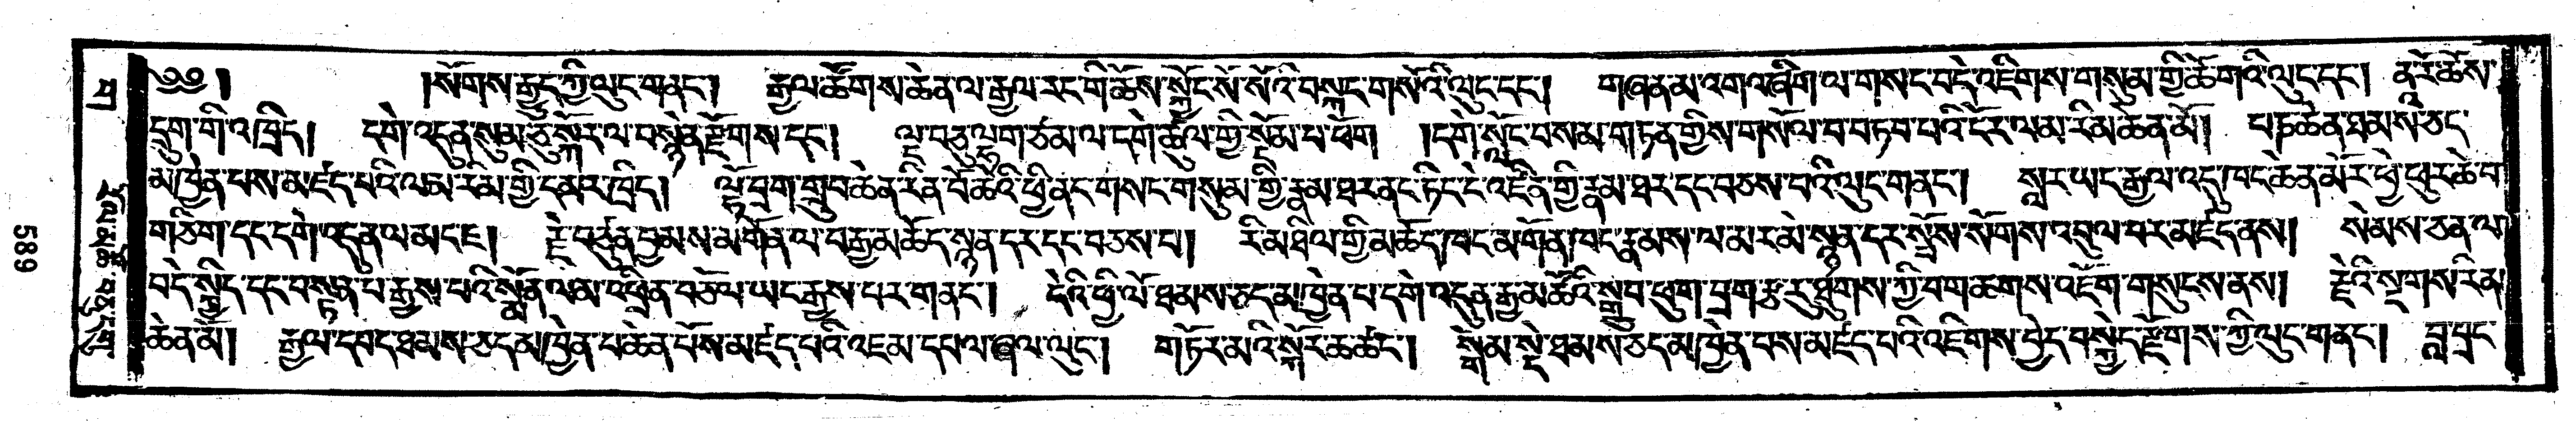༄༅། །སོགས་རྒྱུད་ཀྱི་ལུང་གནང་། རྒྱལ་ཚོགས་ཆེན་ལ་རྒྱལ་རང་གི་ཆོས་སྐྱོང་སོ་སོའི་བསྐང་གསོའི་ལུང་དང་། གཞན་མ་འགའ་ཞིག་ལ་གསང་བདེ་འཇིགས་གསུམ་གྱི་ཆོ་གའི་ལུང་དང་། ནཱ་རོ་ཆོས་
དྲུག་གི་འཁྲིད། དགེ་འདུན་སུམ་ཅུ་སྐོར་ལ་བསྙེན་རྫོགས་དང་། ལྔ་བཅུ་ལྷག་ཙམ་ལ་དགེ་ཚུལ་གྱི་སྔོམ་པ་ཕོག །དགེ་སློང་བསམ་གཏན་གྱིས་གསོལ་བ་བཏབ་པའི་ངོར་ལམ་རིམ་ཆེན་མོ། པཎ་ཆེན་ཐམས་ཅད་
མཁྱེན་པས་མཛད་པའི་ལམ་རིམ་གྱི་དམར་ཁྲིད། ལྷོ་བྲག་གྲུབ་ཆེན་རིན་བོ་ཆེའི་ཕྱི་ནང་གསང་གསུམ་གྱི་རྣམ་ཐར་ནང་ཏིང་ངེ་འཛིན་གྱི་རྣམ་ཐར་དང་བཅས་པའི་ལུང་གནང་། སླར་ཡང་རྒྱལ་འདུ་ཁང་ཆེན་མོར་ཕྱེ་ཕུར་ཆེ་བ་
གཅིག་དང་དགེ་འདུན་ལ་མང་ཇ། རྗེ་བཙུན་བྱམས་མགོན་ལ་བརྒྱ་མཆོད་སྙན་དར་དང་བཅས་པ། རི་མཐིལ་གྱི་མཆོད་ཁང་མགོན་ཁང་རྣམས་ལ་མར་མེ་སྙན་དར་སྤོས་སོགས་འབུལ་བར་མཛད་ནས། སེམས་ཅན་ལ་
བདེ་སྐྱིད་དང་བསྟན་པ་རྒྱས་པའི་སྨོན་ལམ་འཕྲིན་བཅོལ་ཡང་རྒྱས་པར་གནང་། དེའི་ཕྱི་ལོ་ཐམས་ཅད་མཁྱེན་པ་དགེ་འདུན་རྒྱ་མཚོའི་སྒྲུབ་ཕུག་བྲག་རྩ་རུ་ཐུགས་ཀྱི་བག་ཆགས་འཇོག་གསུངས་ནས། རྗེའི་སྔགས་རིམ་
ཆེན་མོ། རྒྱལ་དབང་ཐམས་ཅད་མཁྱེན་པ་ཆེན་པོས་མཛད་པའི་འཇམ་དཔལ་ཞལ་ལུང་། གཏོར་མའི་སྐོར་ཆ་ཚང་། སྒོམ་སྡེ་ཐམས་ཅད་མཁྱེན་པས་མཛད་པའི་འཇིགས་བྱེད་བསྐྱེད་རྫོགས་ཀྱི་ལུང་གནང་། བླ་བྲང་